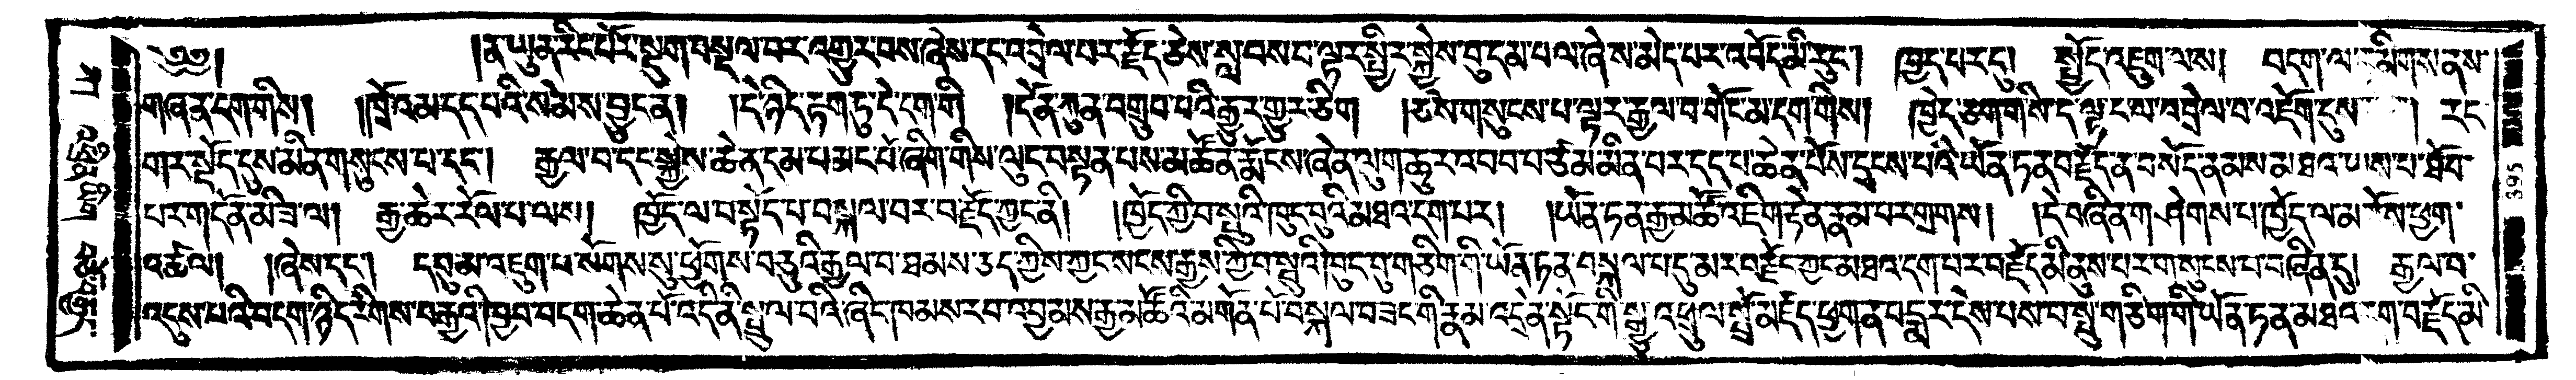༄༅། །ན་ཡུན་རིང་པོར་སྡུག་བསྔལ་བར་འགྱུར་བས་ཞེས་དང་འབྲེལ་བར་རྗོད་ཅེས་སླབ་བས་ལྟར་སྤྱིར་སྐྱེས་བུ་དམ་པ་ལ་ཞེས་མེད་པར་འབོད་མི་རུང་། ཁྱད་པ་དང་། སྤྱོད་འཇུག་ལས། བདག་ལ་དམིགས་ནས་
གཞན་དག་གིས། །ཁྲོ་འམ་དད་པའི་སེམས་བྱུང་ན། །དེ་ཉིད་རྟག་ཏུ་དེ་དག་གི །དོན་ཀུན་བགྲུབ་བའི་རྒྱུར་གྱུར་ཅིག །ཅེས་གསུངས་པ་ལྟར་རྒྱལ་བ་གོང་མ་དག་གིས། ཁྱེད་ཅག་གིས་ད་ལྟང་ལ་འབྲེལ་བ་འཇོག་དུས??། རང་
གར་སྡོད་དུས་མིན་གསུངས་པ་དང་། རྒྱལ་བ་དང་སྐྱེས་ཆེན་དམ་པ་མང་པོ་ཞིག་གིས་ལུང་བསྟན་པས་མཚོ་ན་རྨོངས་ཞེན་ལུག་ཆུར་འབབ་པ་ཙམ་མིན་པར་དད་པ་ཆེན་པོས་དྲངས་པའི་ཡོན་ཏན་བརྗོད་ན་བསོད་ནམས་མཐའ་ཡས་པ་ཐོབ་
པར་གདོན་མི་ཟ་ལ། རྒྱ་ཆེར་རོལ་པ་ལས། ཁྱོད་ལ་བསྟོད་པ་བསྐལ་བར་བརྗོད་ཀྱང་ནི། །ཁྱོད་ཀྱི་བ་སྤུའི་ཁུང་བུའི་མཐའ་དག་པར། །ཡོན་ཏན་རྒྱ་མཚོ་འཇིག་རྟེན་རྣམ་པར་གྲགས། །དེ་བཞིན་གཤེགས་པ་ཁྱོད་ལ་མགོས?་ཕྱག་
འཚལ། །ཞེས་དང་། དབུ་མ་འཇུག་པ་སོགས་སུ་ཕྱོགས་བཅུའི་རྒྱལ་བ་ཐམས་ཅད་ཀྱིས་ཀྱང་སངས་རྒྱས་ཀྱི་བ་སྤུའི་ཁུང་བུ་གཅིག་གི་ཡོན་ཏན་བསྐལ་བ་དུ་མར་བརྗོད་ཀྱང་མཐའ་དག་པར་བརྗོད་མི་ནུས་པར་གསུངས་པ་བཞིན་དུ། རྒྱལ་བ་
འདུས་པའི་བདག་ཉིད་རིགས་བརྒྱའི་ཁྱབ་བདག་ཆེན་པོ་འདི་ནི་སྤྲུལ་བའི་ཞིང་ཁམས་རབ་འབྱམས་རྒྱ་མཚོའི་མགོན་པོ་བསྐལ་བཟང་གི་རྣམ་འདྲེན་སྟོང་གི་སྒྱུ་འཕྲུལ་སྤྲོ་མཛད་ཕྱག་ན་པདམར་དེས་བས་པ་སྤུ་གཅིག་གི་ཡོན་ཏན་མཐབ་ངག་བརྗོད་མི་